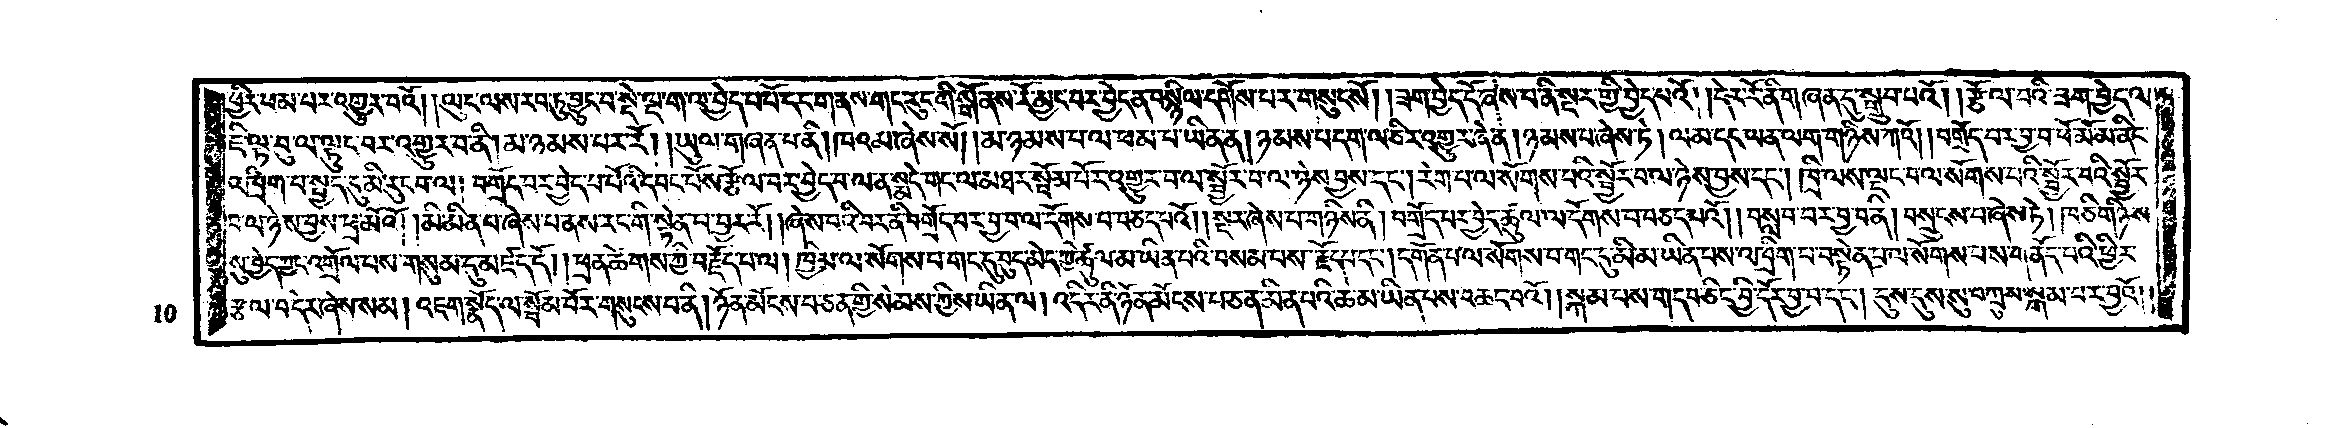ཕྱིར་ཕམ་པར་འགྱུར་བའོ། །ལུང་ལས་རབ་ཏུ་བྱུང་བ་སྡེ་ལྔ་ག་ལ་བྱེད་པ་པོ་དང་གནས་གང་རུང་གི་སྒོ་ནས་རོ་མྱང་བར་བྱེད་ན་བསྙིལ་དགོས་པར་གསུངས་སོ། །ཟག་བྱེད་དོ་ཞེས་པ་ནི་སྔར་གྱི་བྱེད་པའོ། །དེར་རོ་ནི་གཞན་དུ་སྒྲུབ་པའོ། །རྩོལ་བའི་ཟག་བྱེད་ལ་
ཇི་ལྟ་བུ་ལ་ལྟུང་བར་འགྱུར་བ་ནི། །མ་ཉམས་པར་རོ། །ཡུལ་གཞན་པ་ནི། ཁའམ་ཞེས་སོ། །མ་ཉམས་པ་ལ་ཕམ་པ་ཡིན་ན། ཉམས་པ་དག་ལ་ཅིར་འགྱུར་ཞེ་ན། ཉམས་པ་ཞེས་ཏེ། ལམ་དང་ཡན་ལག་གཉིས་ཀའོ། །བགྲོད་པར་བྱ་བ་ཕོ་མོ་མ་ནིང་
འཁྲིག་པ་སྤྱད་དུ་མི་རུང་བ་ལ། བགྲོད་པར་བྱེད་པ་ཕོའི་དབང་པོས་རྩོལ་བར་བྱེད་པ་ལ་ན་སྨེད་དེ་གང་ལ་མཐར་སྦོམ་པོར་འགྱུར་བ་ལ་སྦྱོར་བ་ལ་ཉེས་བྱས་དང་། རེག་པ་ལ་སོགས་པའི་སྦྱོར་བ་ལ་ཉེས་བྱས་དང་། ཁྲི་ལས་ལྡང་བ་ལ་སོགས་པའི་སྦྱོར་བའི་སྦྱོར་
བ་ལ་ཉེས་བྱས་ཕྲ་མོའི། །མི་མིན་པ་ཞེས་པ་ནས་རང་གི་སྟེན་པ་བྱར་རོ། །ཞེས་པའི་བར་ནི་བགྲོད་པར་བྱ་བ་ལ་དོགས་པ་བཅད་པའོ། །སྔར་ཞེས་པ་གཉིས་ནི། བགྲོད་པར་བྱེད་ཚུལ་ལ་དོགས་པ་བཅད་པའོ། །བསླབ་པར་བྱ་བ་ནི། བསྲུངས་པ་ཞེས་ཏེ། ཁ་ཅིག་ཉིས་
སུ་བྱེད་ཀྱང་འགྲེལ་པས་གསུམ་དུ་མཛད་དོ། །ཕྲན་ཚེགས་ཀྱི་བརྗོད་པ་ལ། ཁྱིམ་ལ་སོགས་པ་གང་དུ་བུད་མེད་ཀྱི་ཚུལ་མ་ཡིན་པའི་བསམ་པས་རྡོད་པ་དང་། དགོན་པ་ལ་སོགས་པ་གང་དུ་མི་མ་ཡིན་པས་འཁྲིག་པ་བསྟེན་པ་ལ་སོགས་པས་གནོད་པའི་ཕྱིར་
རྩལ་བ་དེར་ཞས་སམ། འཇག་སྣོད་ལ་སྦོམ་པོར་གསུངས་པ་ནི། ཉོན་མོངས་པ་ཅན་གྱི་སེམས་ཀྱིས་ཡིན་ལ། འདིར་ནི་ཉོན་མོངས་པ་ཅན་མིན་པའི་ཆ་མ་ཡིན་པས་འཆང་བའོ། །སྐམ་པས་གདབ་ཅིང་བྱི་དོར་བྱ་བ་དང་། དུས་དུས་སུ་བཀྲུབ་བསྐམ་པར་བྱའོ། །